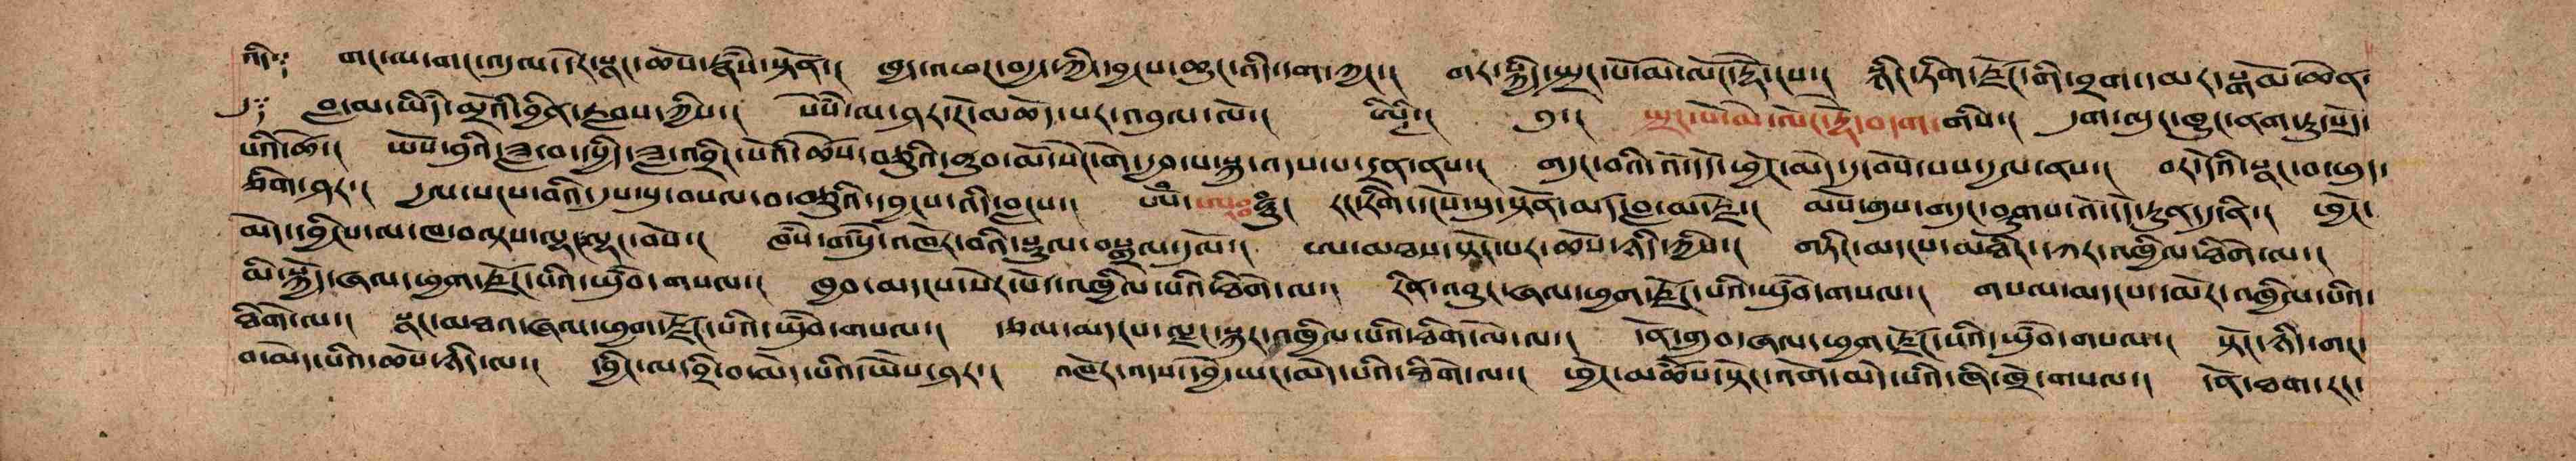འདི།། གང་ལ་གང་འདུལ་དེར་སྣང་ཆོས་རྣམས་སྟོན།། ཁྱད་འཕགས་བརྒྱད་ཀྱི་དབྱངས་ཆུང་འདི་དག་ཀྱང་།། གར་སྐྱིད་སྤྲང་པོ་མེ་ལོང་རྡོ་རྗེ་ངས།། སྙིང་ཏིག་རྫོང་གི་བྲག་དམར་སྒོམ་ཆེན་
དུ།། བླ་མ་ཡིད་དམ་མཁའ་འགྲོའི་བྱིན་རླབས་ཀྱིས།། སེམས་ལ་ཤར་རོ་མཆོད་པར་འབུལ་ལོ།། ཨིཊི།།༄་། སྤྲང་པོ་མེ་ལོང་རྡོ་རྗེ་བདག་གིས།། དུག་ལུང་ཁྱུང་ནག་ཏུ་སྡོད་
པའི་ཚེ།། ཡོས་བུའི་ཟླ་བ་དཔྱིད་ཟླ་འབྲིང་པོའི་ཚེས་བཅུའི་ནུབ་མོ་སེང་གེ་རྒྱབ་པ་སྐུ་འདས་པ་དྲན་ནས།། གདུང་བའི་འོ་དོད་ཕྱོགས་མེད་དུ་བོས་པས་བརྒྱལ་ནས།། བར་དོའི་སྣང་བ་ཕུད་
ཅིག་ཤར།། རྒྱལ་སངས་བའི་དུས་སུ་བསལ་བ་བཅུའི་དབྱངས་འདི་བླངས།། ཨོཾ་ཨཱཿཧཱུཾ།། རང་རིག་དངོས་སུ་སྟོན་མཛད་བླ་མ་རྗེ།། མོས་གུས་གདུང་ཤུགས་འོ་དོད་རྒྱུན་དུ་ནི།། ཕྱོགས་
མེད་དབྱིངས་ལ་ཁ་བལྟས་ལྷང་ལྷང་བོས།། ཁམས་གསུམ་འཁོར་བའི་སྡུག་བསྔལ་བསྒྲལ་དུ་གསོལ།། ཨ་འཐས་སྟོང་པར་ཆོས་ཉིད་ཀྱིས།། གཏིང་མདངས་མཐིང་དཀར་འཁྱིལ་ཐིག་ལེ་ལ།། 
མི་སྐྱོད་ཞལ་ཕྱག་རྫོགས་པའི་ཡབ་ཡུམ་གསལ།། ཁྱབ་མདངས་སེར་པོར་འཁྱིལ་པའི་ཐིག་ལེ་ལ།། རིན་འབྱུང་ཞལ་ཕྱག་རྫོགས་པའི་ཡབ་ཡུམ་གསལ།། གསལ་མདངས་དམར་པོ་འཁྱིལ་པའི་
ཐིག་ལེ་ལ།། སྣང་མཐའ་ཞལ་ཕྱག་རྫོགས་པའི་ཡབ་ཡུམ་གསལ།། རྩལ་མདངས་ལྗང་སྐུར་འཁྱིལ་པའི་ཐིག་ལེ་ལ།། དོན་གྲུབ་ཞལ་ཕྱག་རྫོགས་པའི་ཡབ་ཡུམ་གསལ།། སྟོང་ཉིད་གང་
བ་མེད་པའི་ཆོས་ཉིད་ལ།། དབྱིངས་ལ་བྲི་བ་མེད་པའི་ཡེ་ཤེས་ཤར།། འཁོར་འདས་དབྱེ་ཡང་མེད་པའི་ཐིག་ལེ་ལ།། ཕྱོགས་མཚམས་སྟེང་འོག་མེད་པའི་ཞི་ཁྲོ་གསལ།། དོན་ཐག་རང་